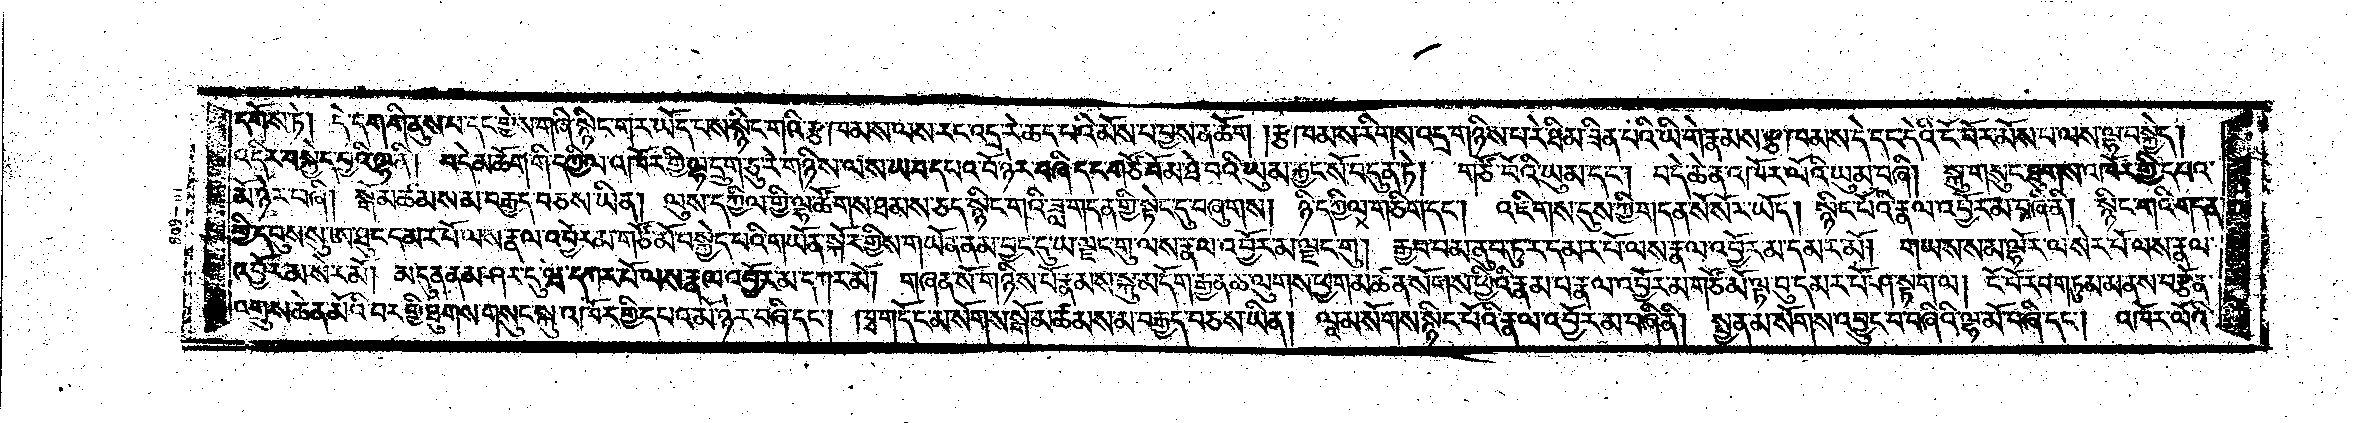དགོས་ཏེ། དེ་དག་གི་ནུས་པ་དང་གྱེས་གཞི་སྙིང་གར་ཡོད་པས་སྙིང་གའི་རྩ་ཁམས་ལས་རང་འདྲ་རེ་ཆད་པའི་མོས་པ་བྱས་ན་ཆོག །རྩ་ཁམས་རིགས་འདྲ་གཉིས་པ་རེ་ཐིམ་ཟིན་པའི་ཡི་གེ་རྣམས་རྩ་ཁམས་དེ་དང་དེའི་ངོ་བོར་མོས་པ་ལས་ལྷ་བསྐྱེད།
འདིར་བསྐྱེད་བྱའི་ལྷ་ནི། བདེ་མཆོག་གི་དཀྱིལ་འཁོར་གྱི་ལྷ་དྲུག་ཅུ་རེ་གཉིས་ལས་ཡབ་དཔའ་བོ་ཉེར་བཞི་དང་གཙོ་བོ་མ་ཐེ་བའི་ཡུམ་རྐྱང་སོ་བདུན་ཏེ། གཙོ་བོའི་ཡུམ་དང་། བདེ་ཆེན་འཁོར་ལོའི་ཡུམ་བཞི། སྐུ་གསུང་ཐུགས་འཁོར་གྱི་དཔའ་
མོ་ཉེར་བཞི། སྒོ་མཚམས་མ་བརྒྱད་བཅས་ཡིན། ལུས་དཀྱིལ་གྱི་ལྷ་ཚོགས་ཐམས་ཅད་སྙིང་གའི་ཟླ་གདན་གྱི་སྟེང་དུ་བཞུགས། ཉི་དཀྱིལ྾་གཅིག་དང་། འཇིགས་དུས་ཀྱི་གདན་སོ་སོར་ཡོད། སྙིང་པོའི་རྣལ་འབྱོར་མ་བཞི་ནི། སྙིང་གའི་གདན་
གྱི་དབུས་སུ་ཨ་ཐུང་དམར་པོ་ལས་རྣལ་འབྱོར་མ་གཙོ་མོ་བསྐྱེད་པའི་གཡོན་སྐོར་གྱིས་གཡོན་ནམ་བྱང་དུ་ཡ་ལྗང་གུ་ལས་རྣལ་འབྱོར་མ་ལྗང་གུ། རྒྱབ་བམ་ནུབ་ཏུ་ར་དམར་པོ་ལས་རྣལ་འབྱོར་མ་དམར་མོ། གཡས་སམ་ལྷོར་ལ་སེར་པོ་ལས་རྣལ་
འབྱོར་མ་སེར་མོ། མདུན་ནམ་ཤར་དུ་ཝ་དཀར་པོ་ལས་རྣལ་འབྱོར་མ་དཀར་མོ། གཞན་སོ་གཉིས་པོ་རྣམས་སྐུ་མདོག་རྒྱན་ཆ་ལུགས་ཕྱག་མཚན་སོགས་ཕྱིའི་རྣམ་པ་རྣལ་འབྱོར་མ་གཙོ་མོ་ལྟ་བུ་དམར་པོ་ཤ་སྟག་ལ། ངོ་བོ་རབ་གཏུམ་མ་ནས་བརྩོན་
འགྲུས་ཆེན་མོའི་བར་གྱི་ཐུགས་གསུང་སྐུ་འཁོར་གྱི་དཔའ་མོ་ཉེར་བཞི་དང་། ཁྭ་གདོང་མ་སོགས་སྒོ་མཚམས་མ་བརྒྱད་བཅས་ཡིན། ལཱ་མ་སོགས་སྙིང་པོའི་རྣལ་འབྱོར་མ་བཞི་ནི། སྤྱན་མ་སོགས་འབྱུང་རྦ་བཞིའི་ལྷ་མོ་བཞི་དང་། འཁོར་ལོའི་